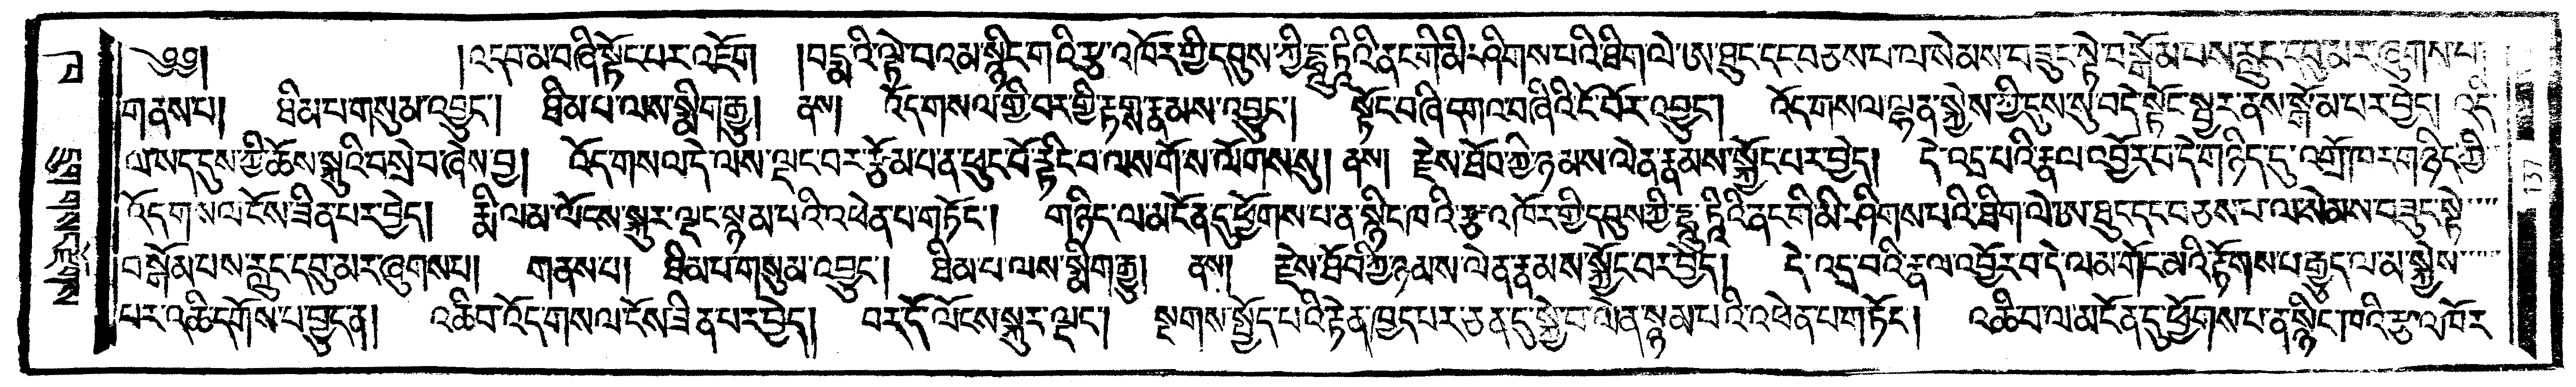༄༅། །འདབ་མ་བཞི་སྟོང་པར་འཇོག །པདམའི་ལྟེ་བའམ་སྙིང་གའི་རྩ་འཁོར་གྱི་དབུས་ཀྱི་དྷཱུ་ཏཱིའི་ནང་གི་མི་ཤིགས་པའི་ཐིག་ལེ་ཨ་ཐུང་དང་བཅས་པ་ལ་སེམས་བཟུང་སྟེ་བསྒོམ་པས་རླུང་དབུ་མར་ཞུགས་པ།
གནས་པ། ཐིམ་པ་གསུམ་འབྱུང་། ཐིམ་པ་ལས་སྨིག་རྒྱུ། ནས། འོད་གསལ་གྱི་བར་གྱི་རྟགས་རྣམས་འབྱུང་། སྟོང་བཞི་དགའ་བཞིའི་ངོ་བོར་འབྱུང་། འོད་གསལ་ལྷན་སྐྱེས་ཀྱི་དུས་སུ་བདེ་སྟོང་སྦྱར་ནས་སྒོམ་པར་བྱེད། འདི་
ལ་སད་དུས་ཀྱི་ཆོས་སྐུའི་བསྲེབ་ཞེས་བྱ། འོད་གསལ་དེ་ལས་ལྡང་བར་རྩོམ་པ་ན་ཕུང་པོ་རྟིང་བ་ལས་གོས་ལོགས་སུ། ནས། རྗེས་ཐོབ་ཀྱི་ཉམས་ལེན་རྣམས་སྐྱོང་པར་བྱེད། དེ་འདྲ་པའི་རྣལ་འབྱོར་བ་དེ་གཉིད་དུ་འགྲོ་ཁར་གཉིད་ཀྱི་
འོད་གསལ་ངོས་ཟིན་པར་བྱེད། རྨི་ལམ་ལོངས་སྐུར་ལྡང་སྙམ་པའི་འཕེན་པ་གཏོང་། གཉིད་ལ་མངོན་དུ་ཕྱོགས་པ་ན་སྙིང་ཁའི་རྩ་འཁོར་གྱི་དབུས་ཀྱི་དྷཱུ་ཏཱིའི་ནང་གི་མི་ཤིགས་པའི་ཐིག་ལེ་ཨ་ཐུང་དང་བཅས་པ་ལ་སེམས་བཟུང་སྟེ་
བསྒོམ་པས་རླུང་དབུ་མར་ཞུགས་པ། གནས་པ། ཐིམ་པ་གསུམ་འབྱུང་། ཐིམ་པ་ལས་སྨིག་རྒྱུ། ནས། རྗེས་ཐོབ་ཀྱི་ཉམས་ལེན་རྣམས་སྐྱོང་བར་བྱེད། དེ་འདྲ་བའི་རྣལ་འབྱོར་བ་དེ་ལམ་གོང་མའི་རྟོགས་པ་རྒྱུད་ལ་མ་སྐྱེས་
པར་འཆི་དགོས་པ་བྱུང་ན། འཆི་བ་འོད་གསལ་ངོས་ཟིན་པར་བྱེད། བར་དོ་ལོངས་སྐུར་ལྡང་། སྔགས་སྤྱོད་པའི་རྟེན་ཁྱད་པར་ཅན་དུ་སྐྱེ་བ་ལེན་སྙམ་པའི་འཕེན་པ་གཏོང་། འཆི་བ་ལ་མངོན་དུ་ཕྱོགས་པ་ན་སྙིང་ཁའི་རྩ་འཁོར་